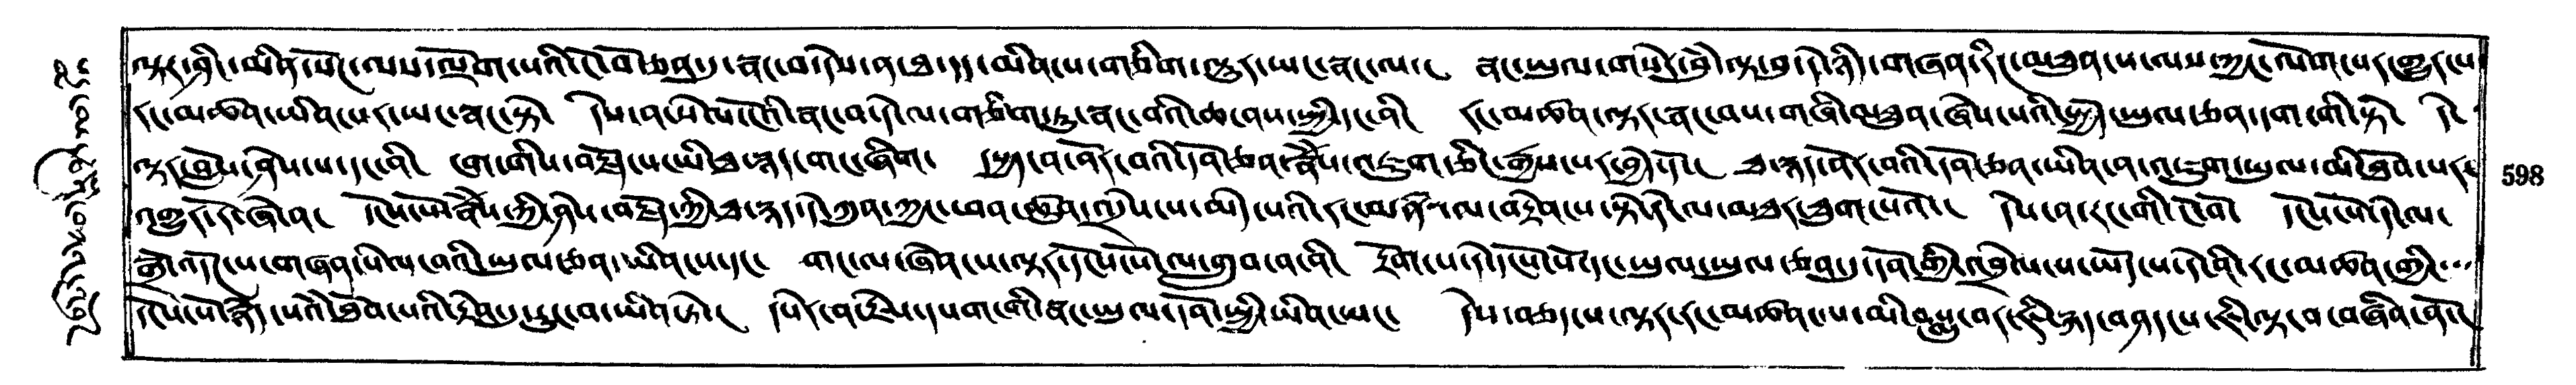ལྟར་ཤིང་མིན་སོགས་ལས་ལྡོག་པའི་ངོ་བོ་ཅན་དུ་སྣང་བ་དེས་ན་ཐ་དད་མིན་པ་གཅིག་ལྟ་བུར་ཡང་སྣང་ལ། སྣང་ཡུལ་གསེར་བུམ་ལྟ་བུ་དེ་ཉིད་གཞན་རིགས་མཐུན་པ་ལས་ཀྱང་ལོག་པར་གྱུར་པ་
རང་མཚན་ཡིན་པར་ཡང་སྣང་སྟེ། དེས་ན་སེལ་ངོའི་སྣང་བ་དེ་ལ་གཅིག་ཏུ་སྣང་བའི་ཆ་ནས་སྤྱི་དང་ནི། རང་མཚན་ལྟར་སྣང་བས་གཞི་མཐུན་ཞེས་པའི་སྤྱོད་ཡུལ་ཅན་དག་གི་སྟེ།དེ་
ལྟར་བློས་ཤེས་པ་དང་ནི། ངག་གིས་བརྗོད་པའི་ཐ་སྙད་གང་ཞིག དཔྱད་ན་ནོར་བའི་དོན་ཅན་རྣམས་འཇུག་ཅིང་རྒྱས་པར་བྱེད་དོ།། ཐ་སྙད་ནོར་བའི་དོན་ཅན་ཡིན་ན་འཇུག་ཡུལ་མི་འཐོབ་པར་
འགྱུར་རོ་ཞེ་ན། དངོས་པོ་རྣམས་ཀྱི་ཤེས་བརྗོད་ཀྱི་ཐ་སྙད་དེ་ཀུན་ཀྱང་ཕན་ཚུན་འདྲེས་པ་མེད་པའི་རང་མཚན་ལ་བརྟེན་པ་སྟེ་དེ་ལ་མཐར་ཐུག་པའོ།། དེས་ན་རང་གི་ངོ་བོ། དངོས་པོ་དེ་ལ་
སྒྲོ་འདོགས་པ་གཞན་སེལ་བའི་ཡུལ་ཅན་ཡིན་པ་དང་། གང་ལ་ཞེན་པ་ལྟར་དངོས་པོ་ལ་གྲུབ་ན་ནི། རྟོག་པ་དེ་དངོས་པོ་དང་ཡུལ་ཡུལ་ཅན་དུ་དོན་གྱི་འབྲེལ་བ་ཡོད་པ་དེ་ནི་རང་མཚན་གྱི་
དངོས་པོ་རྙེད་པའམ་ཐོབ་པའི་རྟེན་དུ་རུང་བ་ཡིན་ཏེ། དཔེར་ན་རྗེས་དཔག་གི་སྣང་ཡུལ་དོན་སྤྱི་ཡིན་ཡང་། དེས་བཅད་པ་ལྟར་རང་མཚན་ལ་མི་བསླུ་བར་ཇི་སྐད་བཤད་པ་ཇི་ལྟ་བ་བཞིན་ནོ།།